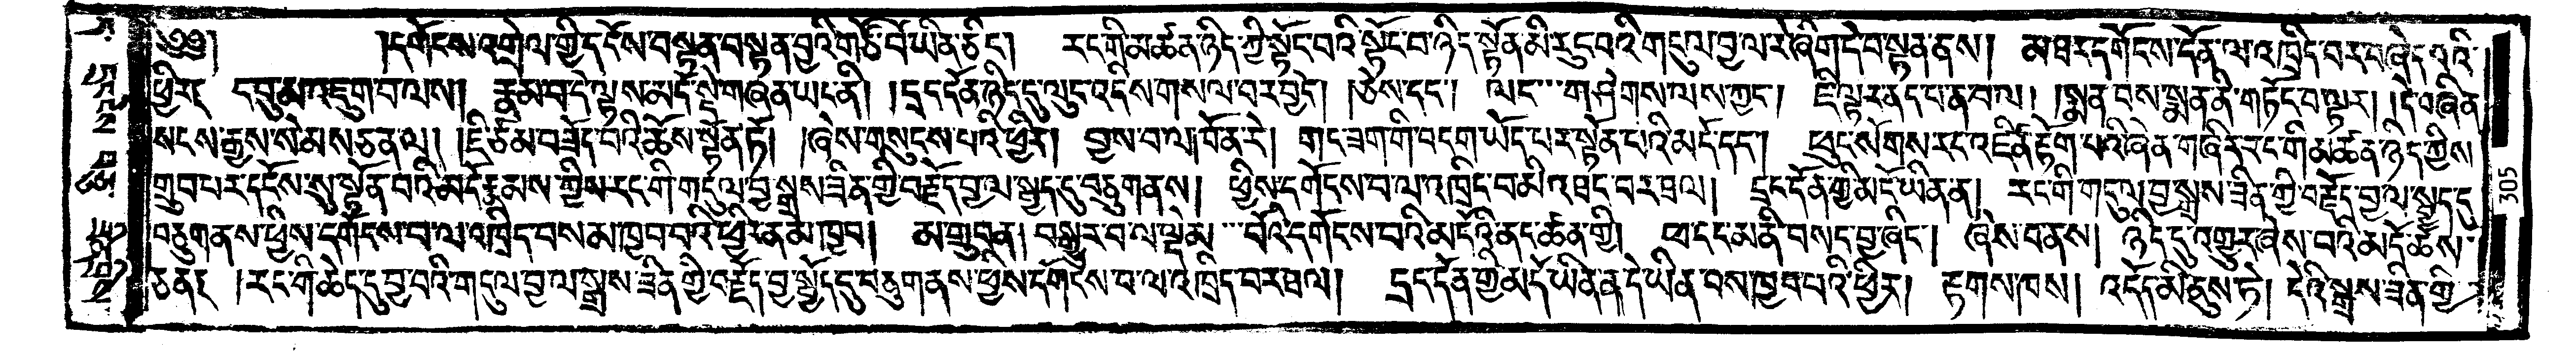༄༅། །དགོངས་འགྲེལ་གྱི་དངོས་བསྟན་བསྟན་བྱའི་གཙོ་བོ་ཡིན་ཅིང་། རང་གི་མཚན་ཉིད་ཀྱི་སྟོང་པའི་སྟོང་བ་ཉིད་སྟོན་མི་རུང་བའི་གདུལ་བྱ་ལ་རེ་ཞིག་དེ་བསྟན་ནས། མཐར་དགོངས་དོན་ལ་འཁྲིད་བར་བཞེད་པའི་
ཕྱིར༑ དབུ་མ་འཇུག་པ་ལས། རྣམ་པ་དེ་ལྟས་མདོ་སྡེ་གཞན་ཡང་ནི། །དྲང་དོན་ཉིད་དུ་ལུང་འདིས་གསལ་བར་བྱེད། །ཅེས་དང་། ལང་གཤེགས་ལས་ཀྱང་། ཇི་ལྟར་ནད་པ་ན་བ་ལ། །སྨན་པས་སྨན་ནི་གཏོང་བ་ལྟར། །དེ་བཞིན་
སངས་རྒྱས་སེམས་ཅན་ལ། །ཇི་ཙམ་བཟོད་པའི་ཆོས་སྟོན་ཏོ། །ཞེས་གསུངས་པའི་ཕྱིར། བྱས་པ་ལ་ཁོ་ན་རེ། གང་ཟག་གི་བདག་ཡོད་པར་སྟོན་པའི་མདོ་དང་། ཕུང་སོགས་རང་འཛིན་རྟོག་པའི་ཞེན་གཞིར་རང་གི་མཚན་ཉིད་ཀྱིས་
གྲུབ་པར་དངོས་སུ་སྟོན་པའི་མདོ་རྣམས་ཀྱིས་རང་གི་གདུལ་བྱ་སྒྲས་ཟིན་གྱི་བརྗོད་བྱ་ལ་སྤྱད་དུ་བཅུག་ནས། ཕྱིས་དགོངས་པ་ལ་འཁྲིད་བ་མི་འཐད་པར་ཐལ། དྲང་དོན་གྱི་མདོ་ཡིན་ན། རང་གི་གདུལ་བྱ་སྒྲས་ཟིན་གྱི་བརྗོད་བྱ་ལ་སྤྱད་དུ་
བཅུག་ནས་ཕྱིས་དགོངས་པ་ལ་འཁྲིད་པས་མ་ཁྱབ་པའི་ཕྱིར་ན་མ་ཁྱབ། མ་གྲུབ་ན། བསྒྱུར་བ་ལ་ལྡེམ་པོའི་དགོངས་པའི་མདོའི་ནང་ཚན་གྱི། ཕ་དང་མ་ནི་བསད་བྱ་ཞིང་། ཞེས་པ་ནས། ཉིད་དུ་འགྱུར་ཞེས་པའི་མདོ་ཆོས་
ཅན༑ །རང་གི་ཆེད་དུ་བྱ་བའི་གདུལ་བྱ་ལ་སྒྲས་ཟིན་གྱི་བརྗོད་བྱ་སྤྱོད་དུ་བཅུག་ནས་ཕྱིས་དགོངས་བ་ལ་འཁྲིད་པར་ཐལ། དྲང་དོན་གྱི་མདོ་ཡིན་ན་དེ་ཡིན་པས་ཁྱབ་པའི་ཕྱིར། རྟགས་ཁས། འདོད་མི་ནུས་ཏེ། དེའི་སྒྲས་ཟིན་གྱི་